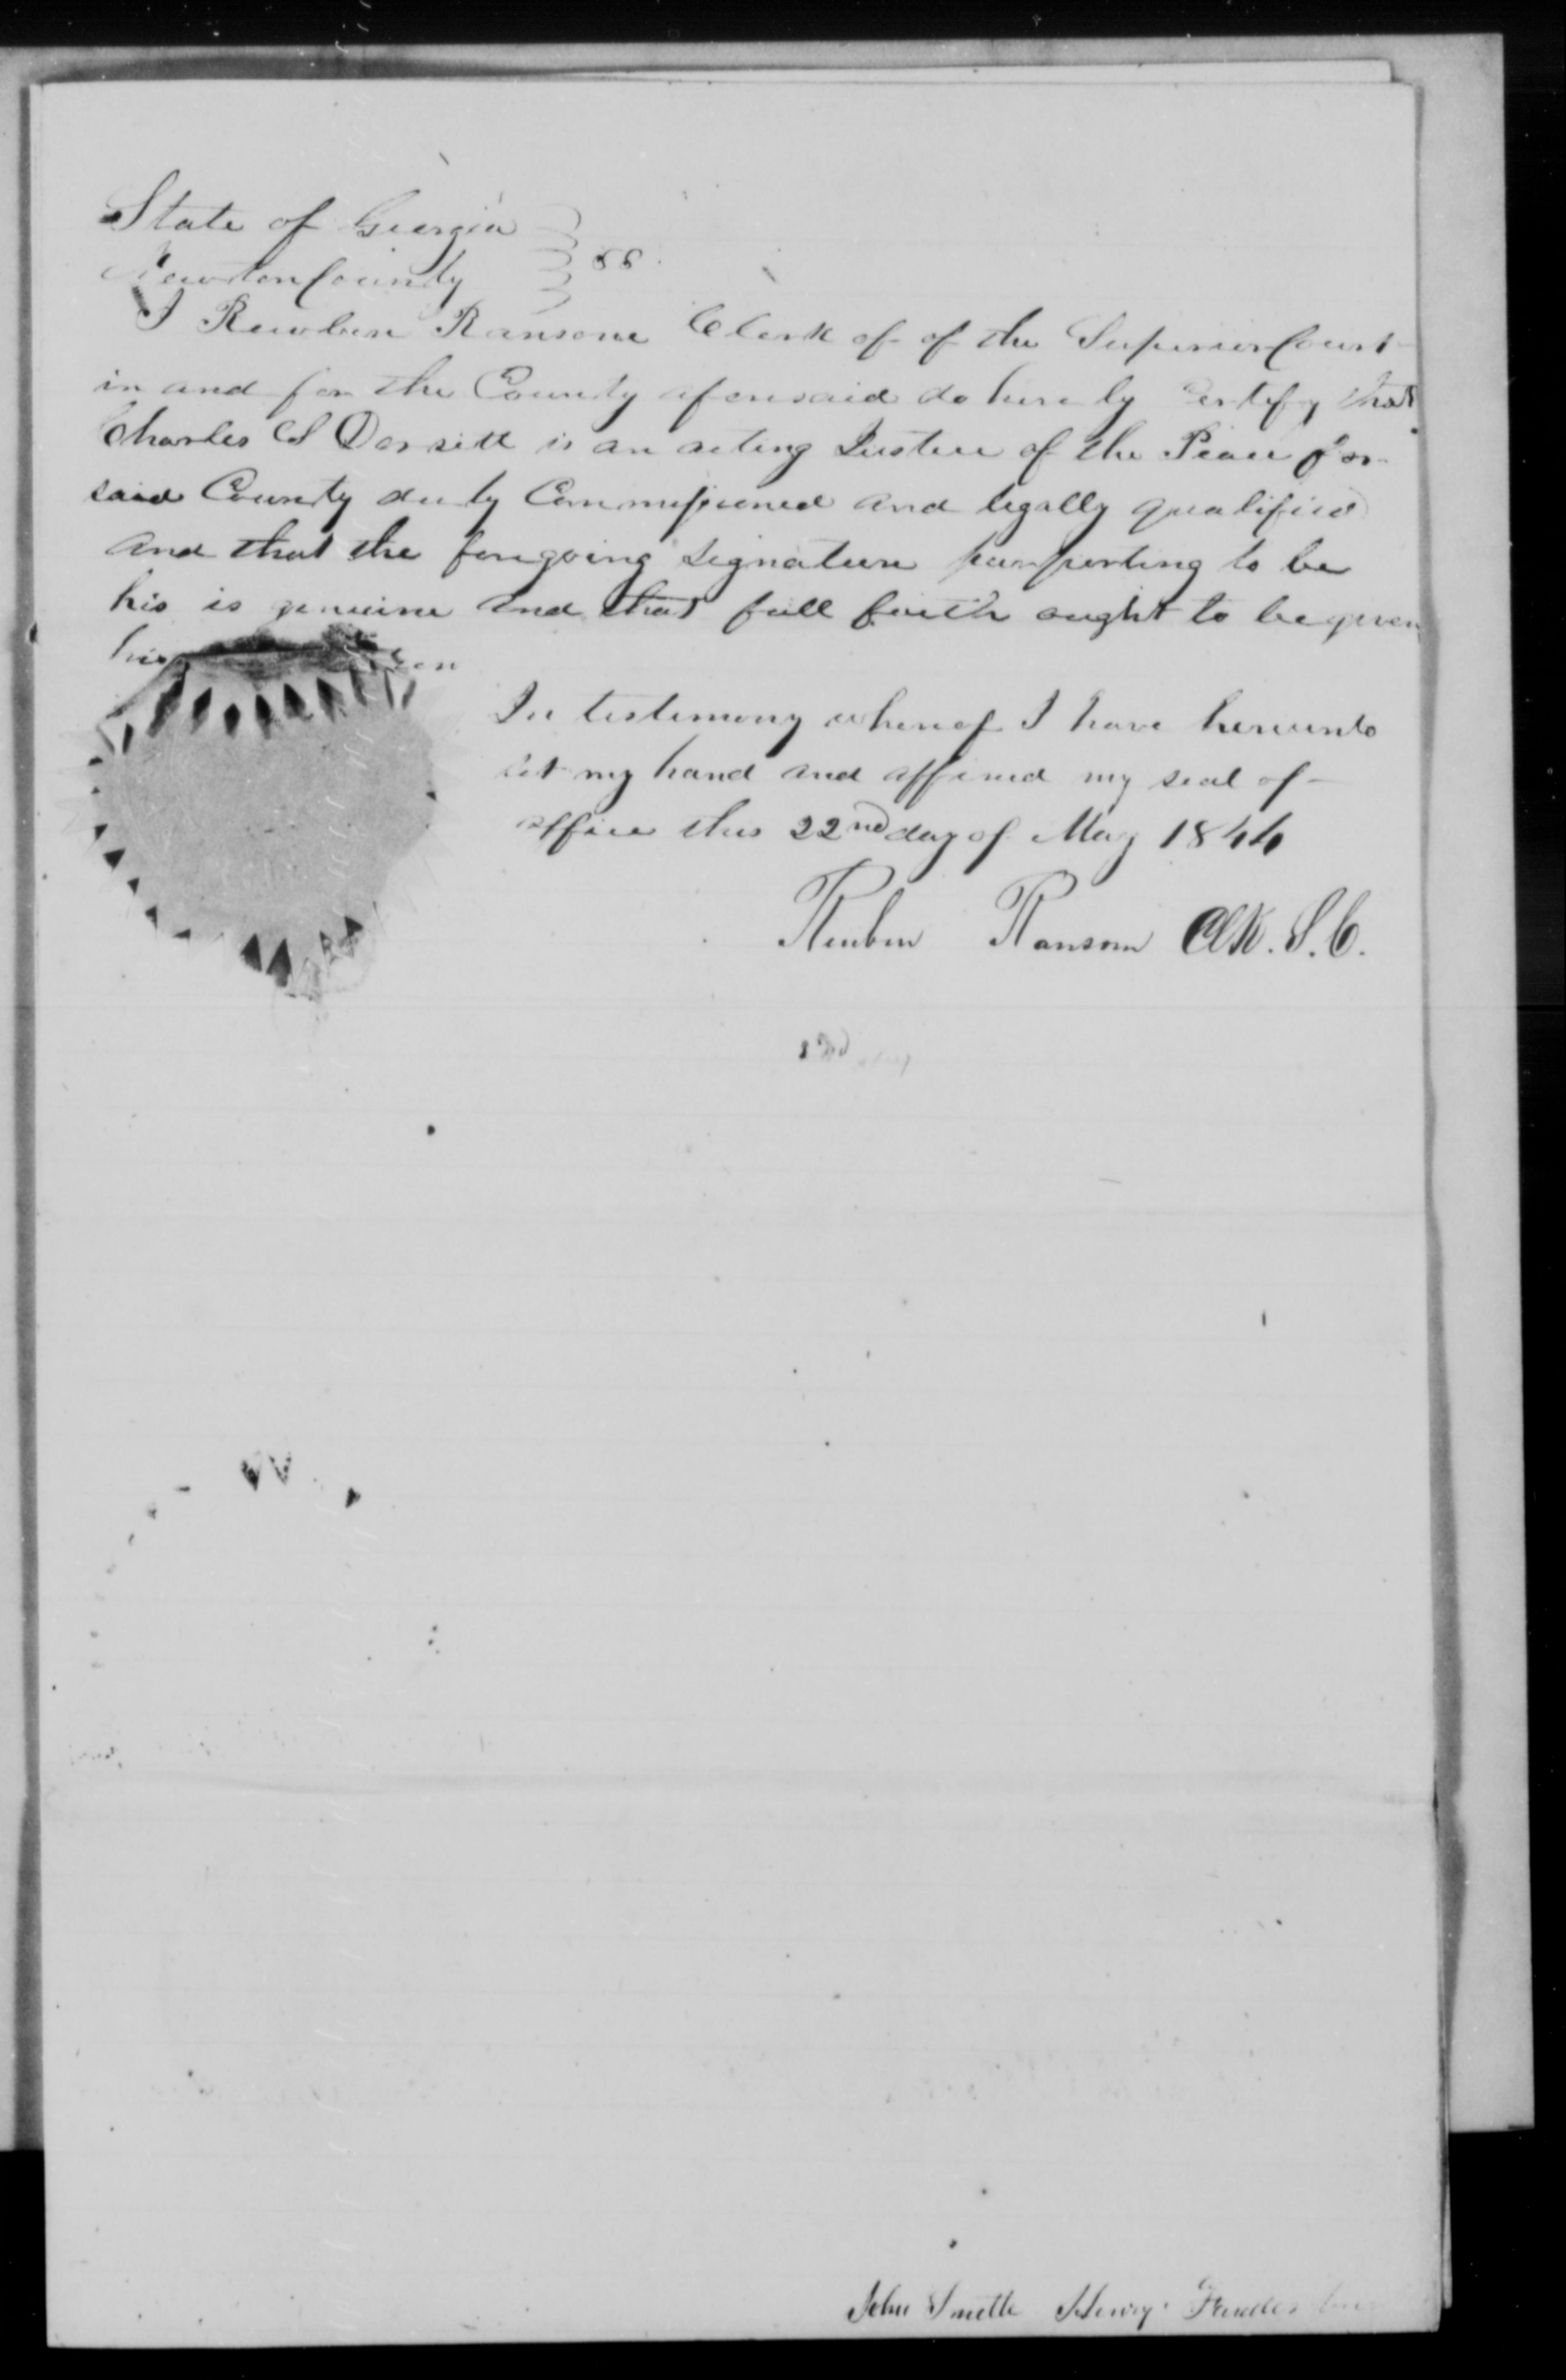State of Georgia
Newton County }SS.
I Reuben Ransoen Clerk of of the Superior Court
in and for the County aforesaid do hereby certify that
Charles S Dorsett is an acting Justice of the Peace for
said County duly commissioned and legally qualified
and that the foregoing signature purporting to be
his is genuine and that full faith ought to be given
In testimony whereof I have hereunto
set my hand and affixed my seal of
office this 22nd day of May 1844

Reuben Ransone Clk. S.C.

John Smith Henry Feaster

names: John Smith, Reuben Ransone, Henry Feaster, Charles S Dorsett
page: 30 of 81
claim: widow's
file: W. 5183, Bolling Wright, Va.